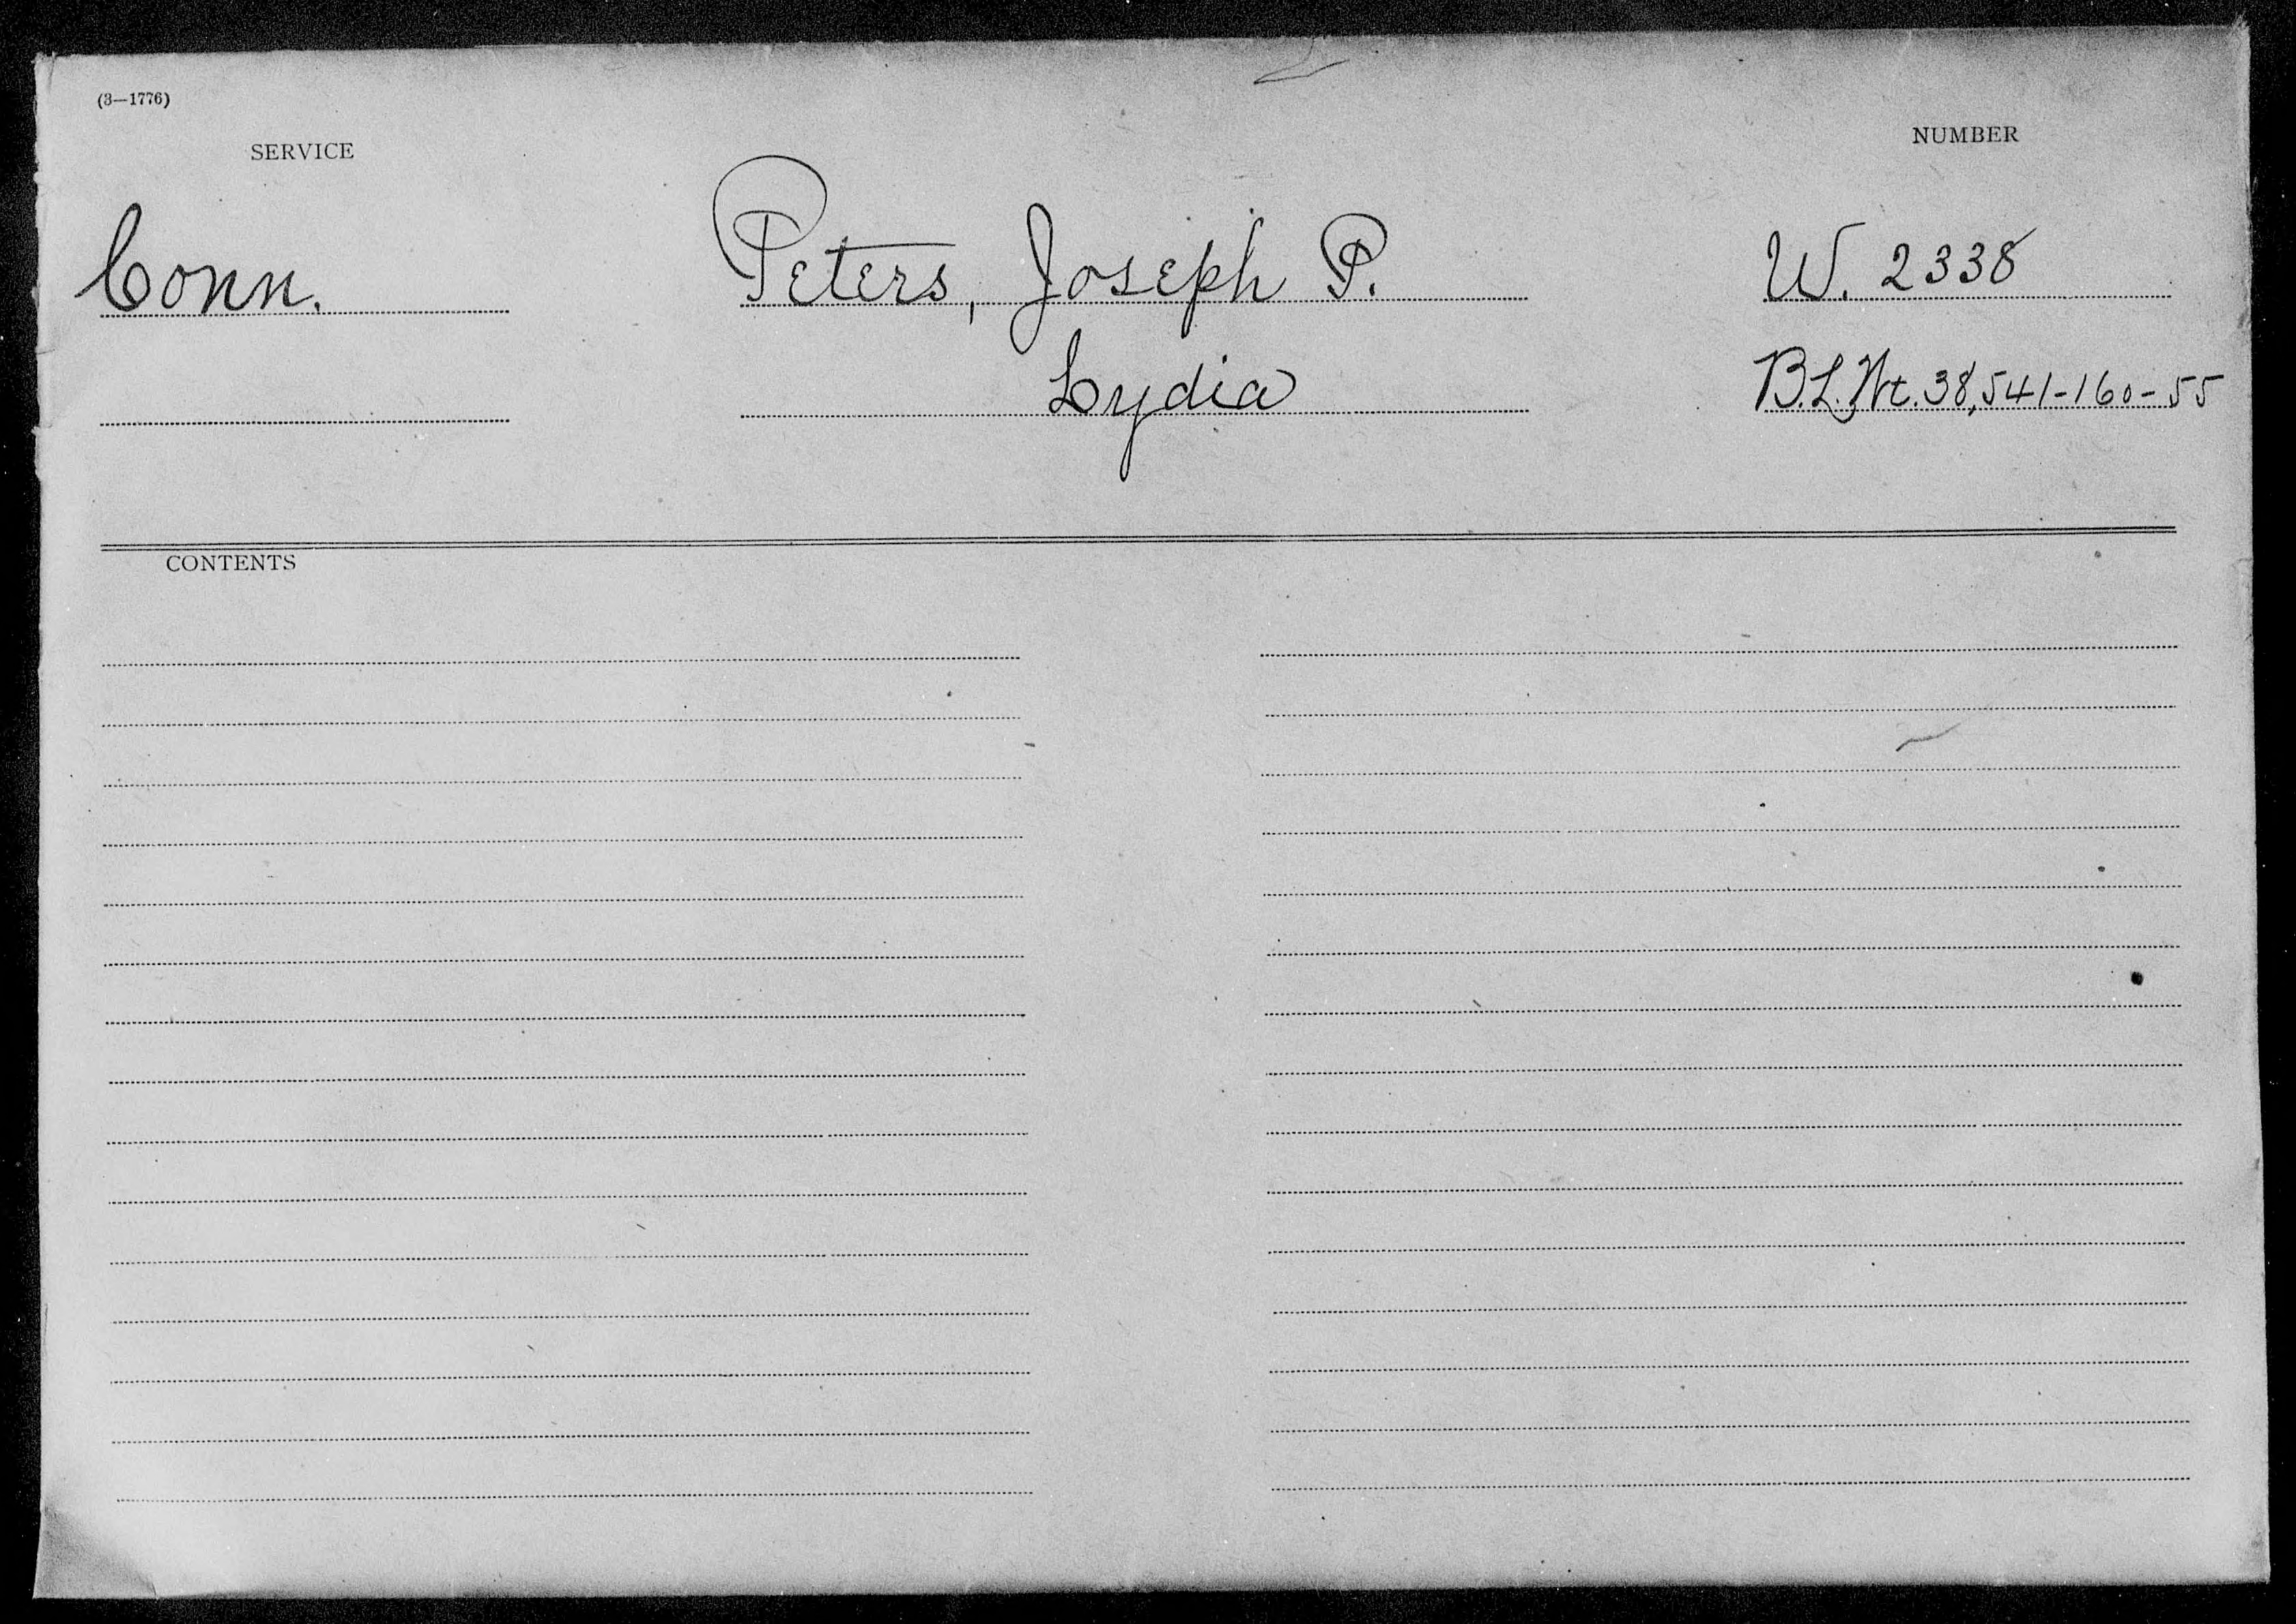SERVICE   Conn.
Peters, Joseph P.
Lydia
NUMBER  W. 2338
B.L. Wt. 38541-160-55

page: 1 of 73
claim: widow's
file: W. 2338, for Joseph P Peters, Connecticut